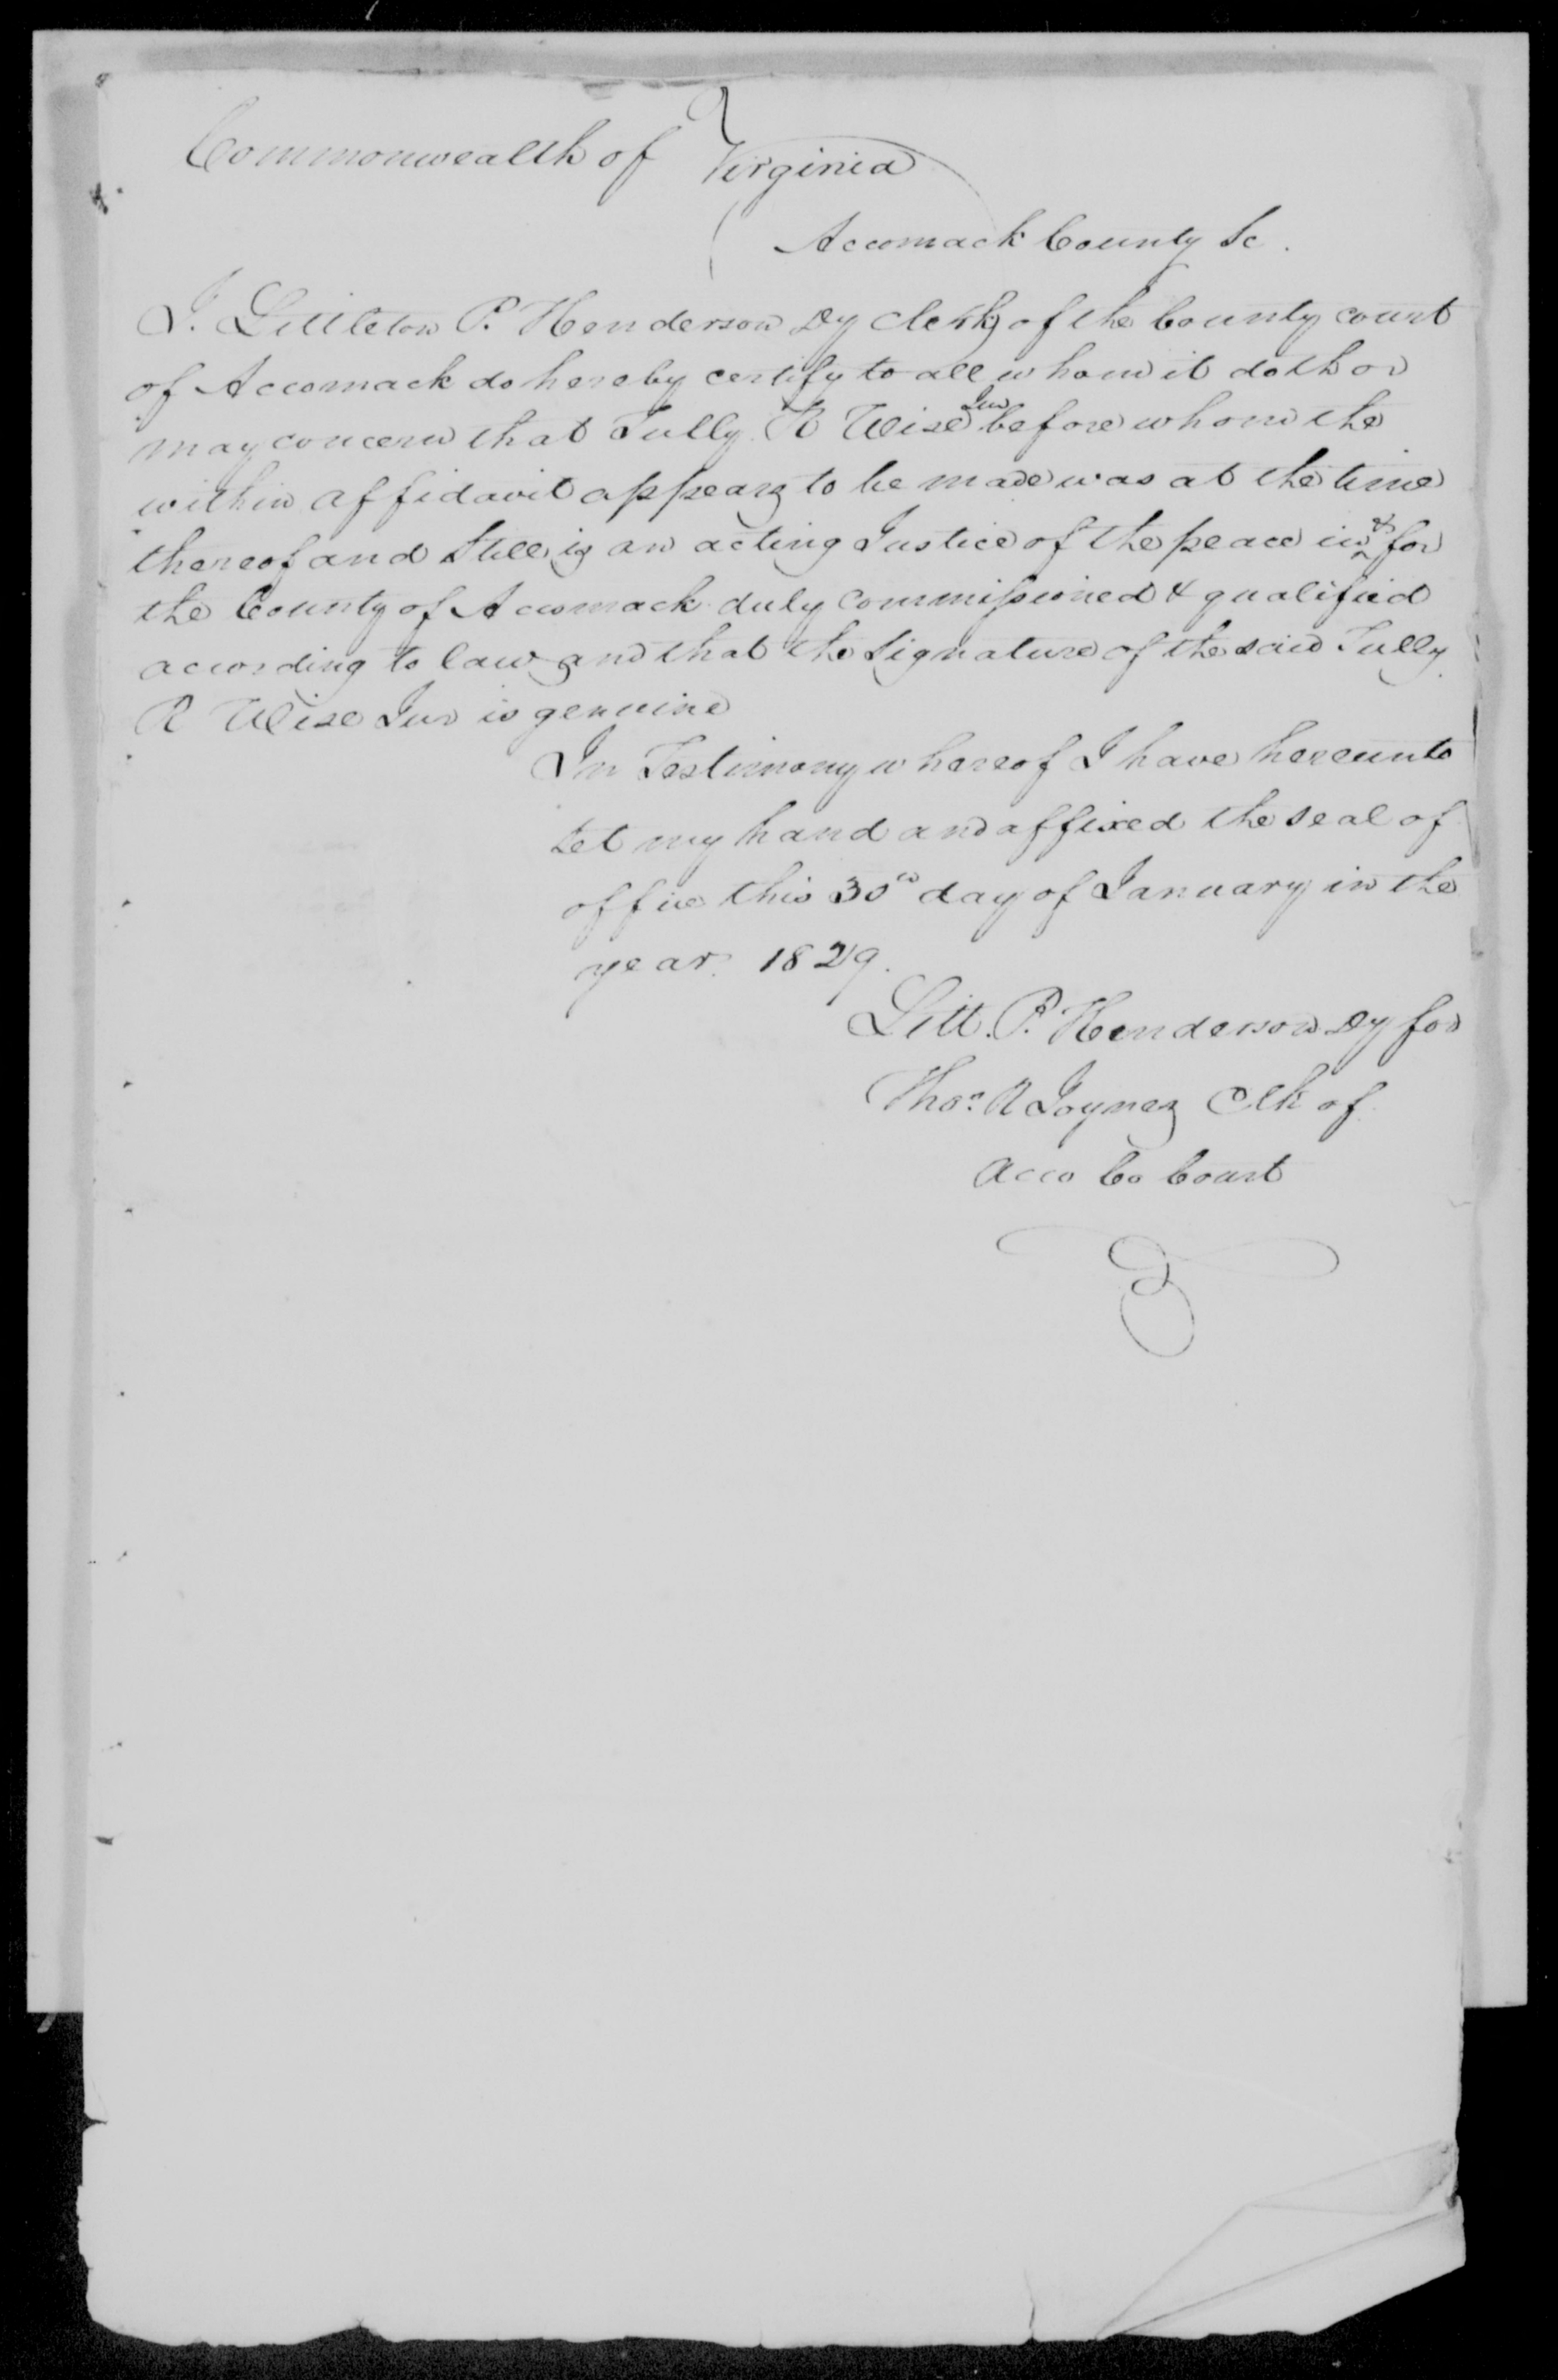Commonwealth of Virginia Accomack County Sc.
I, Littleton P. Henderson Dy clerk of the county court of Accomack do hereby certify to all whom it doth or may concern that Tully R wise Judge before whom the within affidavit appears to be made was at the time thereof and sill is an acting Justice of the Peace in & for the County of Accomack duly commissioned & qualified according to law and that the signature of the said Tully R Wise Jud is genuine.

In testimony whereof I have hereunto set my hand and affixed the seal of office this 30th day of January in the year 1829
Litt. P. Henderson Dy for Thos. R. Joynes clk of Acco Co Court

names: Tully R Wise, Tully R Wise, Littleton P Henderson, Thos R Joynes, Litt P Henderson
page: 44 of 59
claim: widow's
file: W. 6427, Samuel Waples, Va.